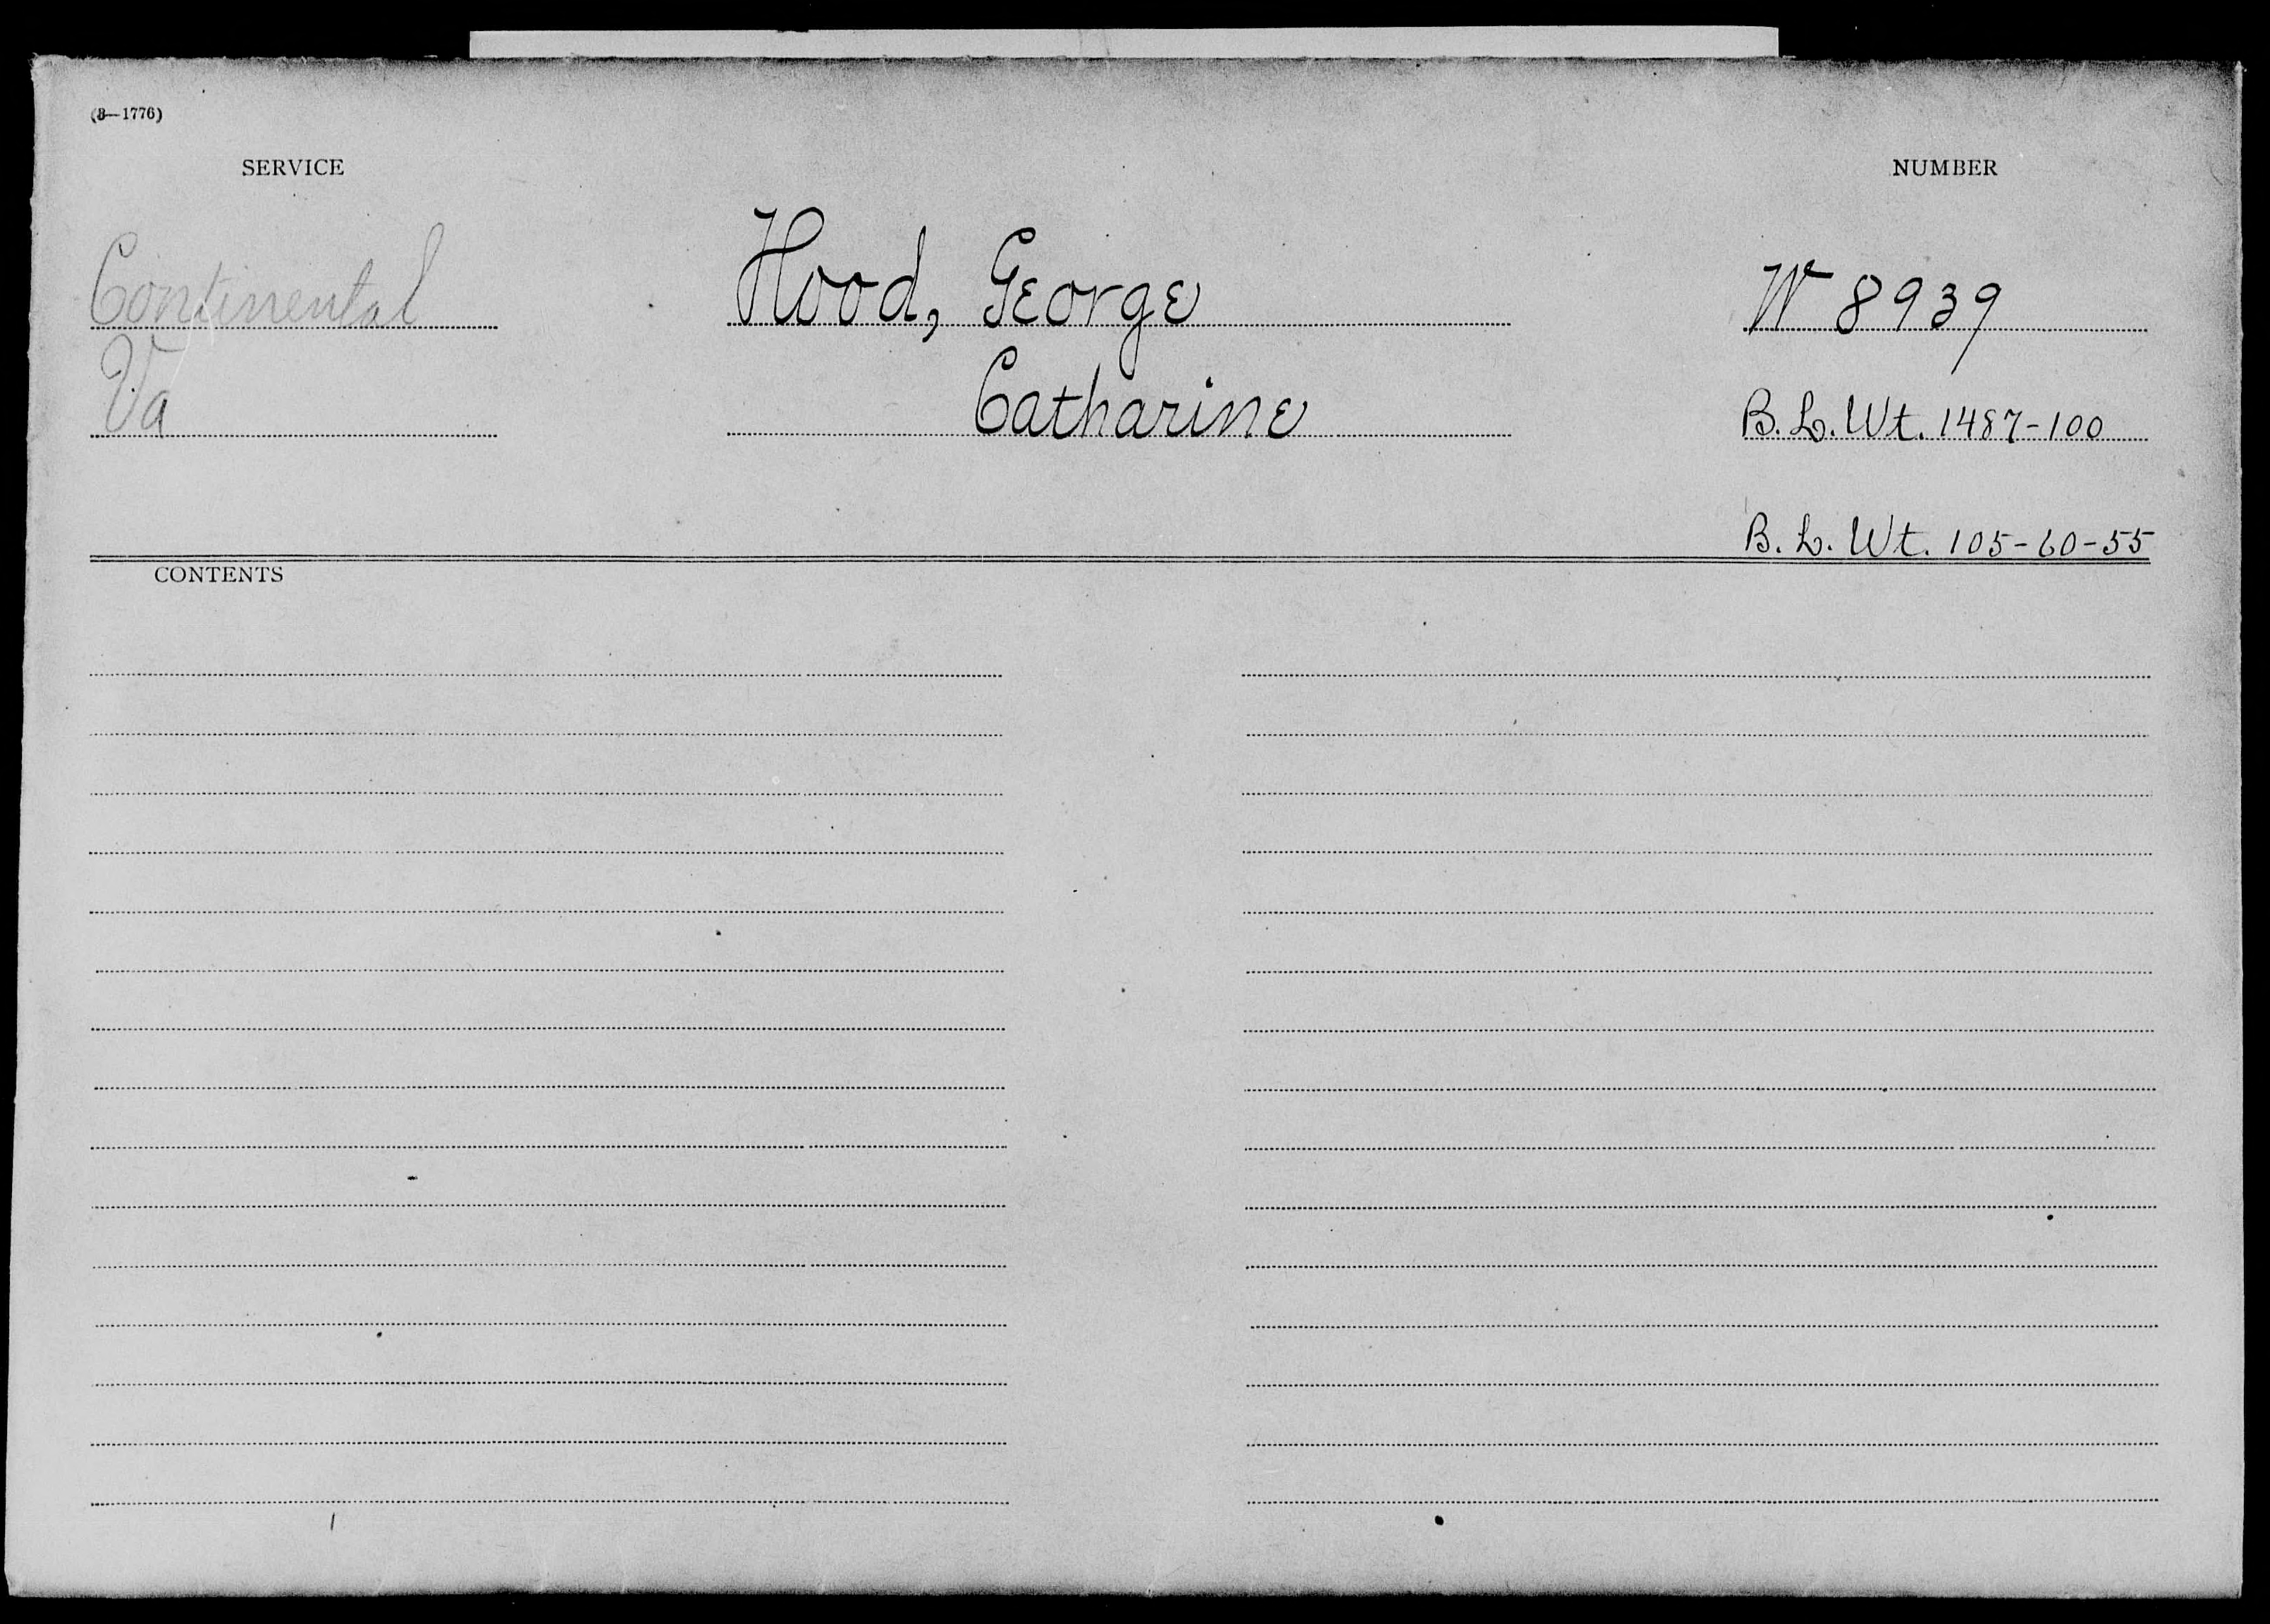(8--1776)
SERVICE                                           NUMBER
Continental     Hood, George            W8939
VA                        Catharine              B.L. Wt. 1487-100
                                                           B. L. Wt. 105-60-55

CONTENTS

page: 1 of 51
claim: widow's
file: W 8939, George Hood, Continental Va.